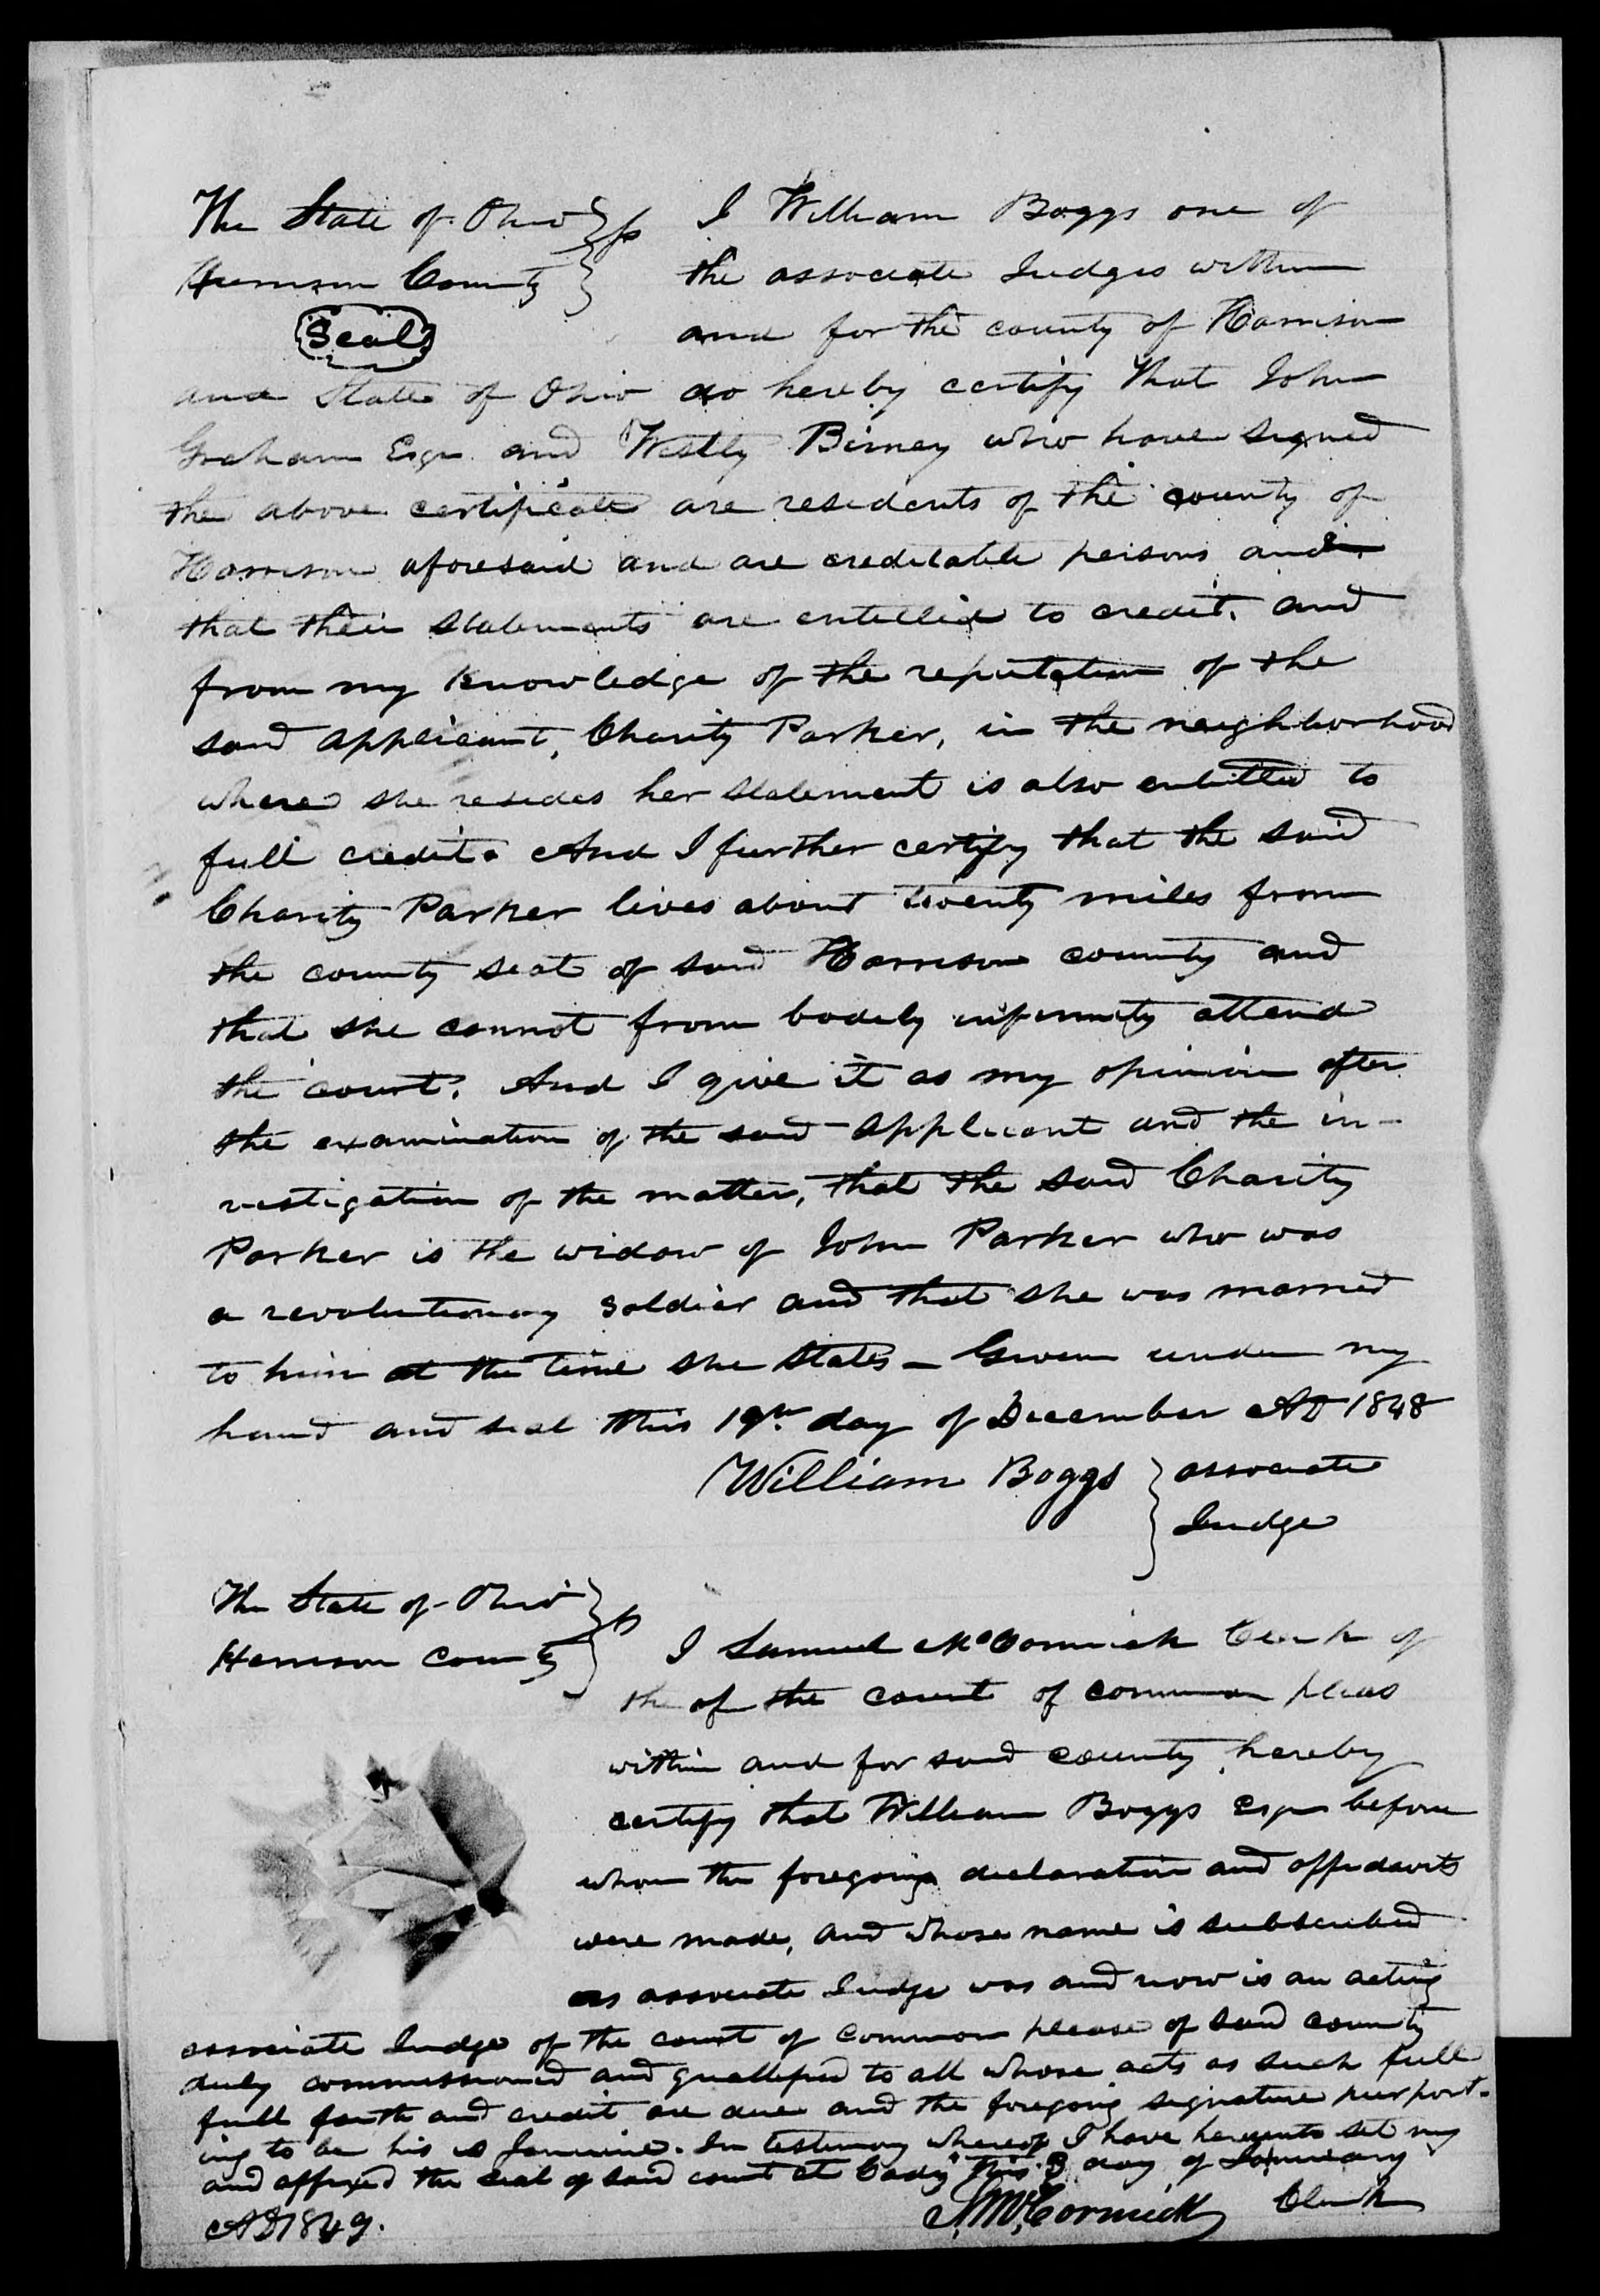The State of Ohio } ss.
Harrison County }  
[The word "Seal" is below the above]
I William Boggs, one of the associate Judges within and for the county of Harrison and State of Ohio do hereby certify that John Grisham Esq. and Westley Birney who have signed the above certificates are residents of the county of Harrison aforesaid and are credible persons and that their statements are entitled to credit, and from my knowledge of the reputation of the said applicant, Charity Parker, in the neighborhood where she resides her statement is also entitled to full credit. And I further certify that the said Charity Parker lives about twenty miles from the county seat of said Harrison county and that she cannot from bodily infirmity attend the court. And I give it as my opinion after the examination of the said application and the investigation of the matter, that the said Charity Parker is the widow of John Parker who was a revolutionary soldier and that she was married to him at the times she states. Given under my hand and seal this 19th day of December A.D. 1848.
//s// William Boggs Associate Judge

The State of Ohio }
Harrison County } ss I Samuel McCormick Clerk of the of the [sic] Court of Common Pleas within and for said county, hereby certify that William Boggs Esq. before whom the foregoing declaration and affidavits were made, and whose name is subscribed as associate Judge was and now is an acting associate Judge of the Court of Common Pleas of said county duly commissioned and qualified to all whose acts as such full full [sic] faith and credit are due and the foregoing signature purporting to be his is genuine. In testimony whereof I have hereunto set my hand and affixed the seal of said court at Cadiz this 3 day of January A.D. 1849.
//s// S. McCormick  Clerk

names: Samuel Mc Cormick; John Parker; William Boggs; Westly Birney; Charity Parker; John Graham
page: 10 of 40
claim: widow's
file: W. 3,588, for John Parker, Pennsylvania